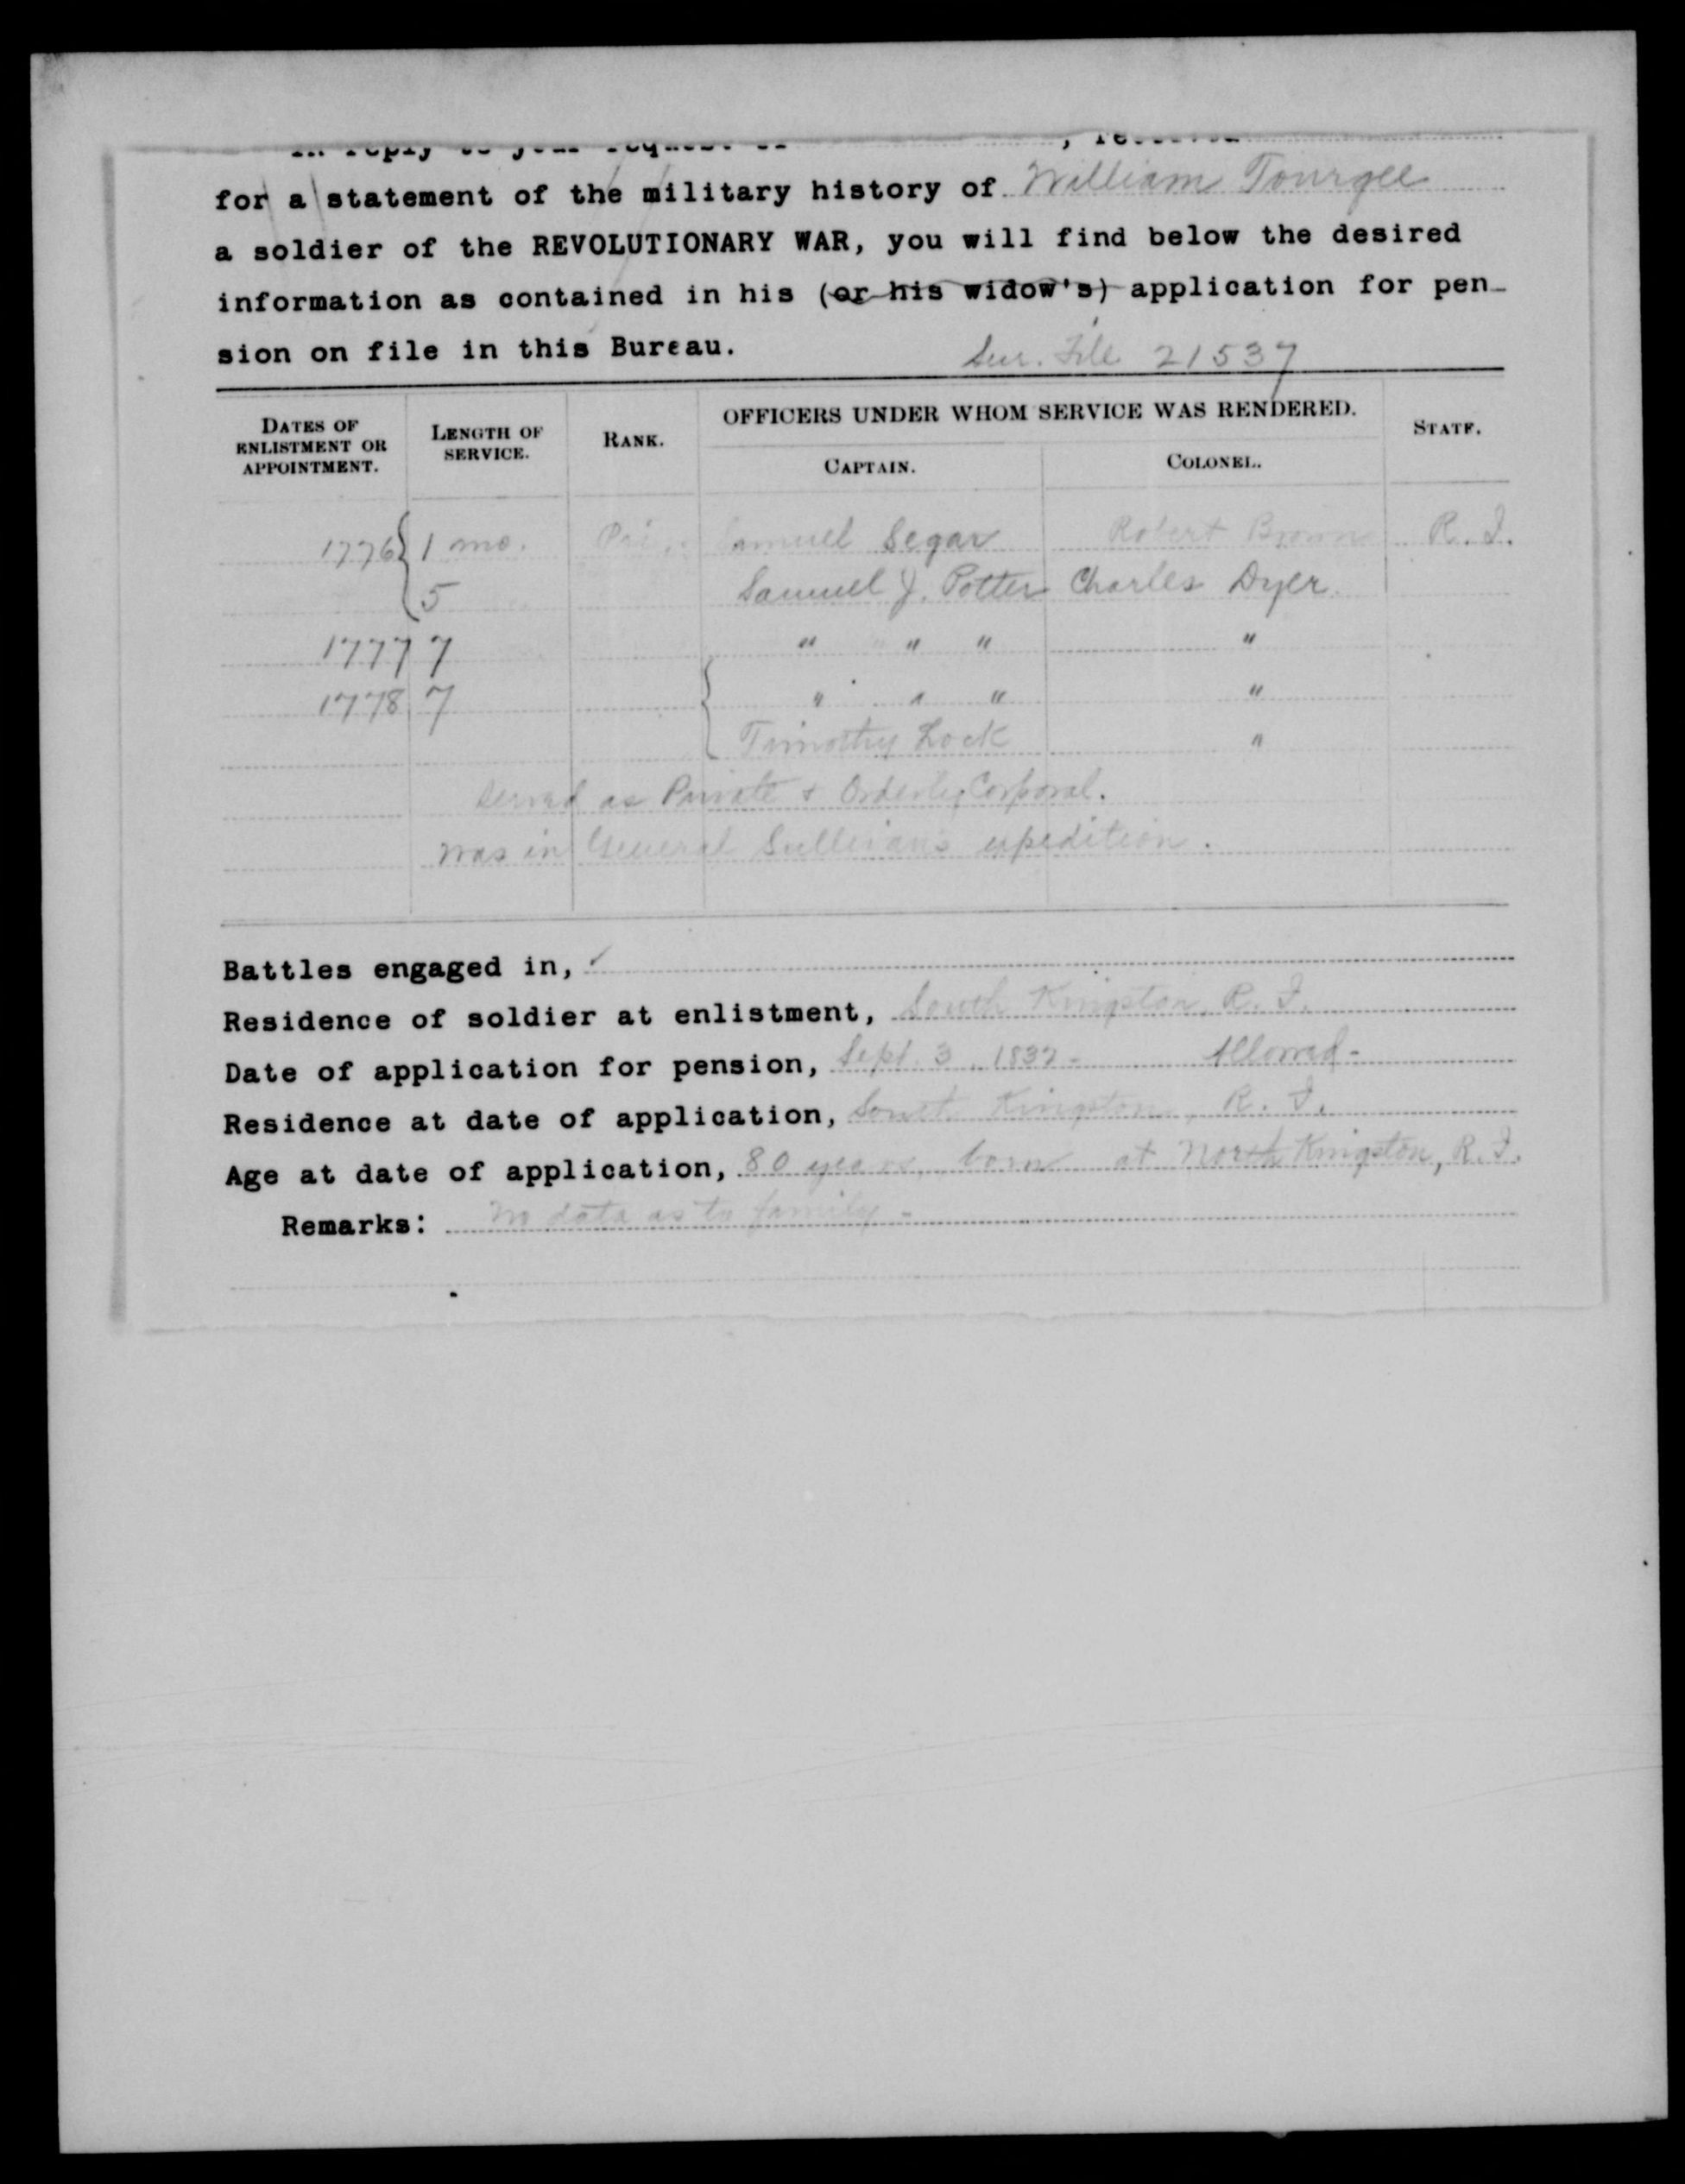[illegible]
for a statement of the military history of William Tourgee a soldier of the REVOLUTIONARY WAR, you will find below the desired information as contained in his (or his widow's) application for pension on file in this Bureau.

Dates of Enlistment or Appointment. 1776
Length of Service. 1 mo.
Rank. Priv.
OFFICERS UNDER WHOM SERVICE WAS RENDERED. 
Captain. Samuel Segar
Colonel. Robert Brown
State. R.I.

Dates of Enlistment or Appointment. 1776
Length of Service. 5 mo.
Rank. Priv.
OFFICERS UNDER WHOM SERVICE WAS RENDERED.
Captain. Samuel J. Potter
Colonel. Charles Dyer
State. R.I.

Dates of Enlistment or Appointment. 1777
Length of Service. 7 mo.
Rank. Priv.
OFFICERS UNDER WHOM SERVICE WAS RENDERED.
Captain. Samuel J. Potter
Colonel. Charles Dyer
State. R.I.

Dates of Enlistment or Appointment. 1778
Length of Service. 7 mo.
Rank. Priv.
OFFICERS UNDER WHOM SERVICE WAS RENDERED.
Captain. Samuel J. Potter-Timothy Lock
Colonel. Charles Dyer
State. R.I.

Served as Private & Orderly Corporal.
Was in General Sullivan's expedition.

Battles engaged in, -
Residence of soldier at enlistment, South Kingston, R.I.
Date of application for pension, Sept 3, 1837-[illegible]
Age at date of application, 80 years, born at North Kingston, R.I.
Remarks: No data as to family.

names: Samuel J Potter, Timothy Lock, Charles Dyer, Robert Brown, Samuel Segar, William Tourgee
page: 9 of 21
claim: survivor's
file: S. 21537, William Tourgee, R.I.